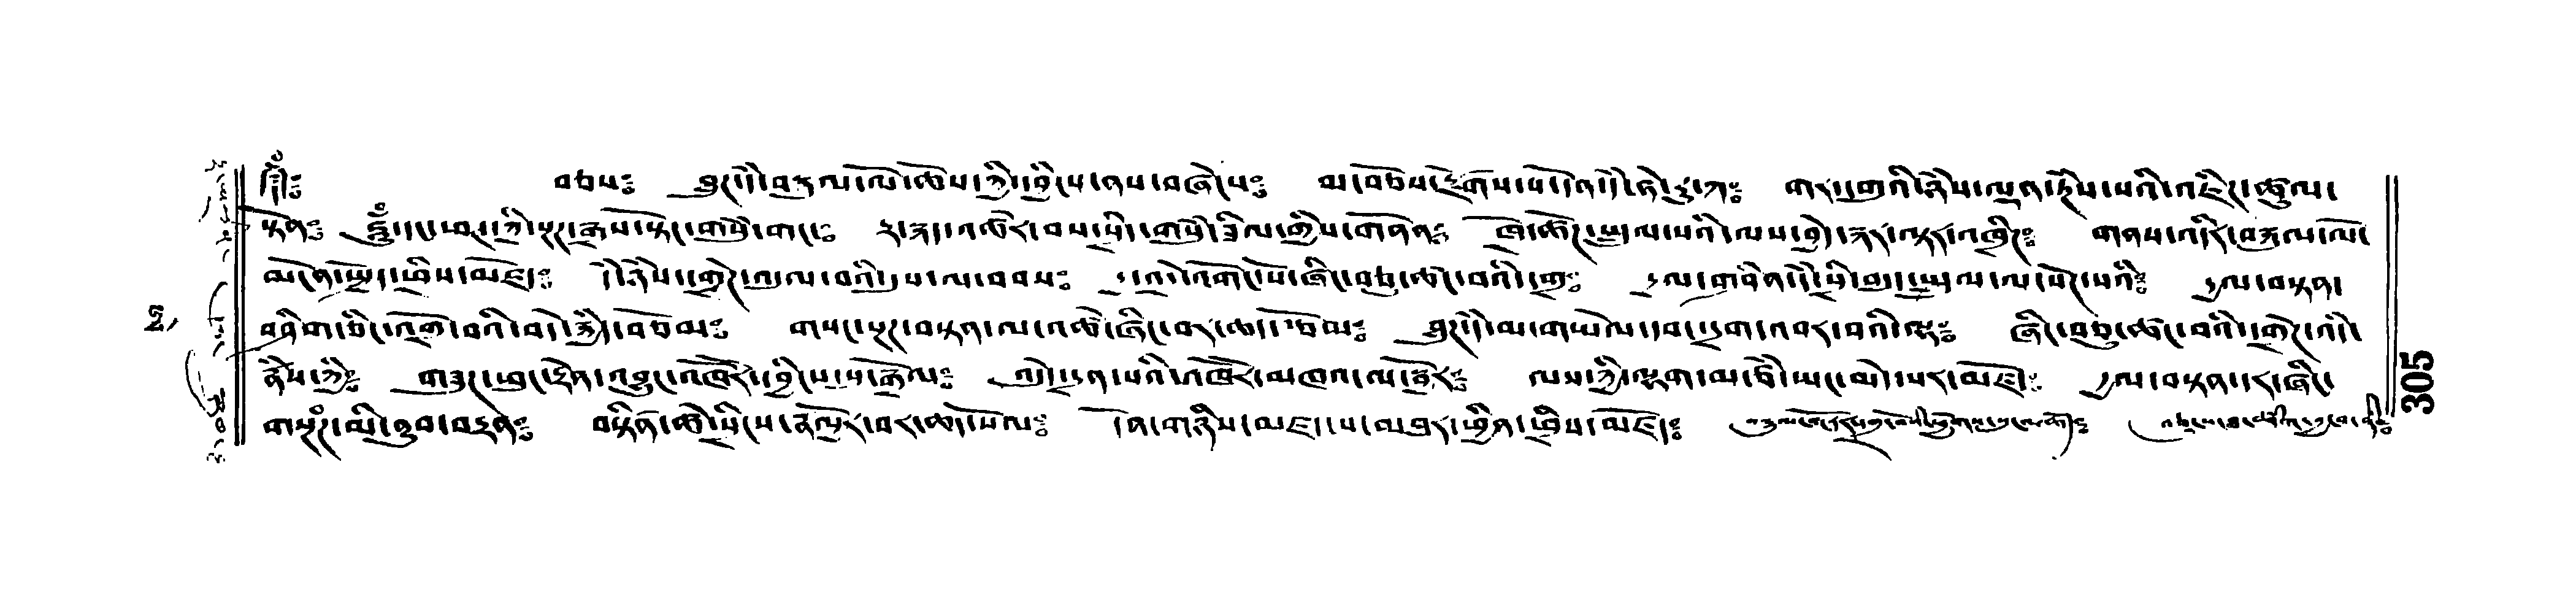བཅས༔ ཐུགས་དམ་བསྐུལ་ལོ་ཆོས་ཀྱི་དབྱིངས་ནས་བཞེངས༔ མ་བཅོས་རྫོགས་པ་དོན་དམ་ཧེ་རུ་ཀ༔ གར་དགུའི་ཉམས་ལྡན་རྔམས་པའི་འཇིགས་ཚུལ་
སྟོན༔ ཧཱུྃ་དང་ཕཊ་ཀྱི་སྔགས་སྒྲས་སྟོང་གསུམ་གང༔ རྟ་སྐད་འཚེར་བས་སྲིད་གསུམ་ཟིལ་གྱིས་གནོན༔ ཁྲོ་ཚོགས་སྤྲུལ་པའི་ལས་བྱེད་སྐར་ལྟར་འཁྲིགས༔ གནས་འདིར་བསྐུལ་ལོ་
མངོན་སྤྱོད་ཕྲིན་ལས་མཛོད༔ དམ་ཉམས་དགྲ་བགེགས་འདུལ་བའི་དུས་ལ་བབས༔ རྒྱ་འདྲེ་འགོང་པོ་ཞིང་བཅུ་ཚང་བའི་དགྲ༔ རྒྱལ་གཤིན་དམ་སྲི་བདུད་སྤྲུལ་ལ་སོགས་པའི༔ རྒྱལ་བསྟན་
བཤིག་ཅིང་འགྲོ་བའི་བདེ་སྐྱིད་བཅོམ༔གསང་སྔགས་བསྟན་ལ་འཚེ་ཞིང་བར་ཆད་རྩོམ༔ ཐུགས་དམ་མ་གཡེལ་དབང་དྲག་འབར་བའི་ལྷ༔ ཞིང་བཅུ་ཚང་བའི་དགྲ་བགེགས་འདི་
རྣམས་ཀྱི༔ གཟུགས་ཕུང་རྟེན་འབྱུང་འཁོར་ལོ་དབྱིངས་སུ་སྒྲོལ༔ འདུ་བྱེད་དྲན་པའི་འཁོར་ལོ་མཁའ་ལ་སྦྱོར༔ ལས་ཀྱི་ལྷག་མ་ཙམ་ཡང་མེད་པར་མཛོད༔ རྒྱལ་བསྟན་དར་ཞིང་
གསང་སྔགས་མི་ནུབ་བརྟན༔ བསྟན་འཛིན་ཚེ་སྲིངས་རྣལ་འབྱོར་བར་ཆད་སོལ༔ དོན་གཉིས་མཛད་པ་མཐར་ཕྱིན་ཕྲིན་ལས་མཛོད༔ བསྐུལ་གཏོར་དགྲ་བོའི་ཕྱོགས་སུ་མཆོད༔ བཅུ་པ་ཐ་ཚིག་བྱ་བ་ནིཿ